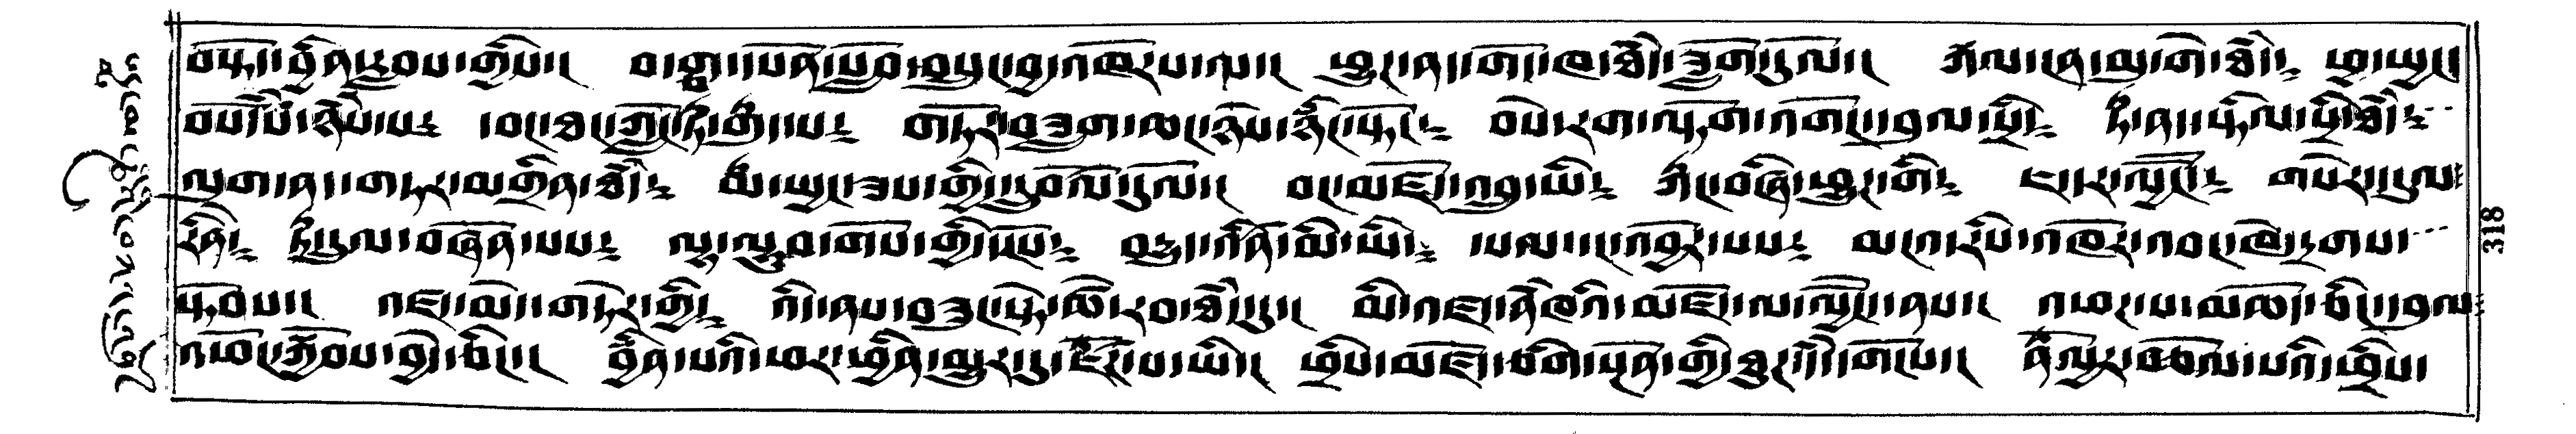བསྟོད་བྱིན་རླབས་ཀྱིས། །བདག་ཅག་དཔོན་སློབ་སྲུང་བྱ་འཁོར་བཅས་ཀྱི། །ཕྱུགས་ནད་གོད་ཁ་ཐམས་ཅད་བཟློག་ཏུ་གསོལ། །བསྐལ་ངན་མུ་གེ་ཐམས་ཅད༴ཕྱ་གཡང་
བསོད་ནམས་ཉམས་པ༴ དབང་ཐང་རླུང་རྟ་རྒུད་པ༴ གཏོར་བརླགས་ཆག་ཆེ་སྙིང་སྟོང༴ བསེ་རག་ལྟོག་འགོང་དབུལ་སྲི༴ རྟ་ནད་རྟེའུ་སྲི་ཐམས་ཅད༴ 
ལུག་ནད་གཏར་མགྲིན་ཐམས་ཅད༴ །རྨ་གཡང་ཟས་ཀྱི་དངོས་གྲུབ་བསྩལ་དུ་གསོལ། །བང་མཛོད་འབྲུ་ཡི༴ རྐང་བཞི་ཕྱུགས་ཀྱི༴ ཇ་དར་ལོངས་སྤྱོད༴ །གསེར་དངུལ༴ 
རིན་ཆེན༴ རྟ་དྲེལ་བཞོན་པའི༴ །ལྷབ་ལྷུབ་གོས་ཀྱི་དངོས༴ །བརྒྱུད་འཛིན་མི་ཡི༴ །དཔལ་དང་འབྱོར་པའི༴ མངའ་རིས་འཁོར་འབངས་ཁེ་གྲགས་
སྟོབས། །འཛད་མེད་གཏེར་གྱི༴ འདི་ནས་བཟུང་སྟེ་ཚེ་རབས་ཐམས་ཅད་དུ། །མི་འཛད་ནམ་མཁའི་མཛོད་ལ་ལོངས་སྤྱོད་ནས། །འཕགས་པ་མཆོད་ཅིང་དབུལ་
ཕོངས་སྐྱོབ་བྱེད་ཅིང་། །སྦྱིན་པའི་ཕར་ཕྱིན་མྱུར་དུ་རྫོགས་པ་ཡི། །ཕྲིན་ལས་མཛོད་ཅིག་སྔོན་གྱི་ཐུགས་དམ་དགོངས། །རྣལ་འབྱོར་བཅོལ་པའི་ཕྲིན་ལས་